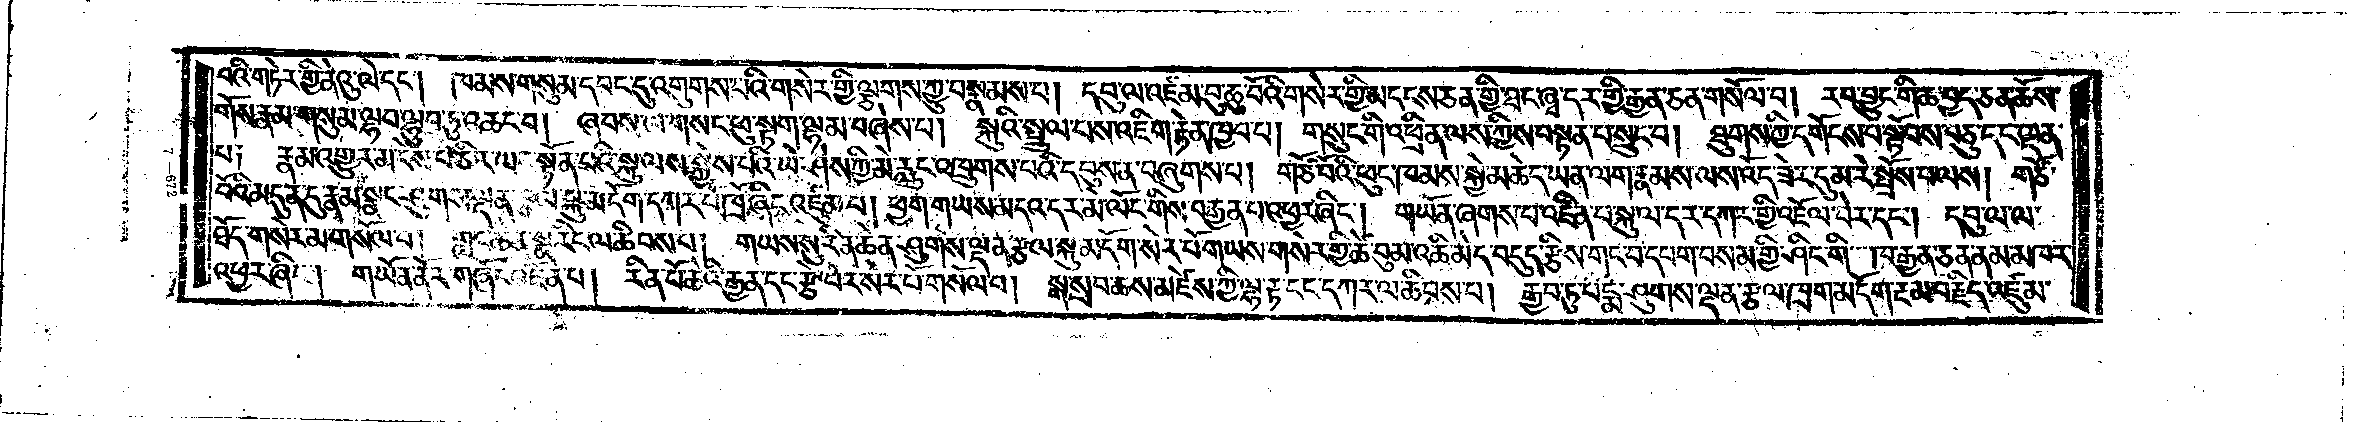བའི་གཏེར་གྱི་ནེའུ་ལེ་དང་། ཁམས་གསུམ་དབང་དུ་འགུགས་པའི་གསེར་གྱི་ལྕགས་ཀྱུ་བསྣམས་པ། དབུལ་འཛམ་བུ་ཆུ་བོའི་གསེར་གྱི་མདངས་ཅན་གྱི་ཐང་ཞྭ་དར་གྱི་རྒྱན་ཅན་གསོལ་བ། རབ་བྱུང་གི་ཆ་བྱད་ཅན་ཆོས་
གོས་རྣམ་གསུམ་ལྷ་བ་ལྷུ་བ་ཏུ་འཆང་བ། ཞབས་ལ་གསང་ཕུ་སྟག་ལྷ་མ་བཞེས་པ། སྐུའི་སྤྲུལ་པས་འཇིག་རྟེན་ཁྱབ་པ། གསུང་གི་འཕྲིན་ལས་ཀྱིས་བསྟན་པ་སྲུང་བ། ཐུགས་ཀྱི་དགོངས་པ་སྟོབས་བཅུ་དང་ལྡན་
པ༑ རྣམ་འགྱུར་མ་ངེས་པ་ཅིར་ཡང་སྟོན་པའི་སྐུ་ལས་སྐྱེས་པའི་ཡེ་ཤེས་ཀྱི་མེ་རླུང་འཁྲུགས་པའི་དབུས་ན་བཞུགས་པ། གཙོ་བོའི་ཕུང་ཁམས་སྐྱེ་མཆེད་ཡན་ལག་རྣམས་ལས་འོད་ཟེར་དུ་མ་རེ་སྤྲོས་པ་ལས། གཙོ་
བོའི་མདུན་དུ་རྣམ་སྣང་ཤུགས་ལྡན་རྩལ་སྐུ་མདོག་དཀར་པོ་ཁྲོ་ཞིང་འཛུམ་པ། ཕྱག་གཡས་མདའ་དར་མེ་ལོང་གིས་བརྒྱན་པ་འཕྱར་ཞིང་། གཡོན་ཞགས་པ་འདིནཟ་པ་སྐུ་ལ་དར་དཀར་གྱི་འཇོལ་བེར་དང་། དབུ་ལ་ལ་
ཐོད་གསེར་མ་གསོལ་བ། གླང་ཆེན་སྣ་རིང་ལ་ཆིབས་པ། གཡས་སུ་རིན་ཆེན་ཤུགས་ལྡན་རྩལ་སྐུ་མདོག་སེར་པོ་གཡས་གསེར་གྱི་ཚེ་བུམ་འཆི་མེད་བདུད་རྩིས་གང་བ་དཔག་བསམ་གྱི་ཤིང་གི་ཁ་རྒྱན་ཅན་ནམ་མཁར་
འཕྱར་ཞིང་། གཡོན་ནོར་གཞོང་འཛིན་པ། རིན་པོ་ཆེའི་རྒྱན་དང་རྩེ་བེར་སེར་པོ་གསོལ་བ། སྒྲ་སྲ་བ་ཆས་མཛེས་ཀྱི་ལྷ་རྟ་ངང་དཀར་ལ་ཆིབས་པ། རྒྱབ་ཏུ་པདམ་ཤུགས་ལྡན་རྩལ་ཁྲག་མདོག་རྔམ་བརྗིད་འཛུམ་